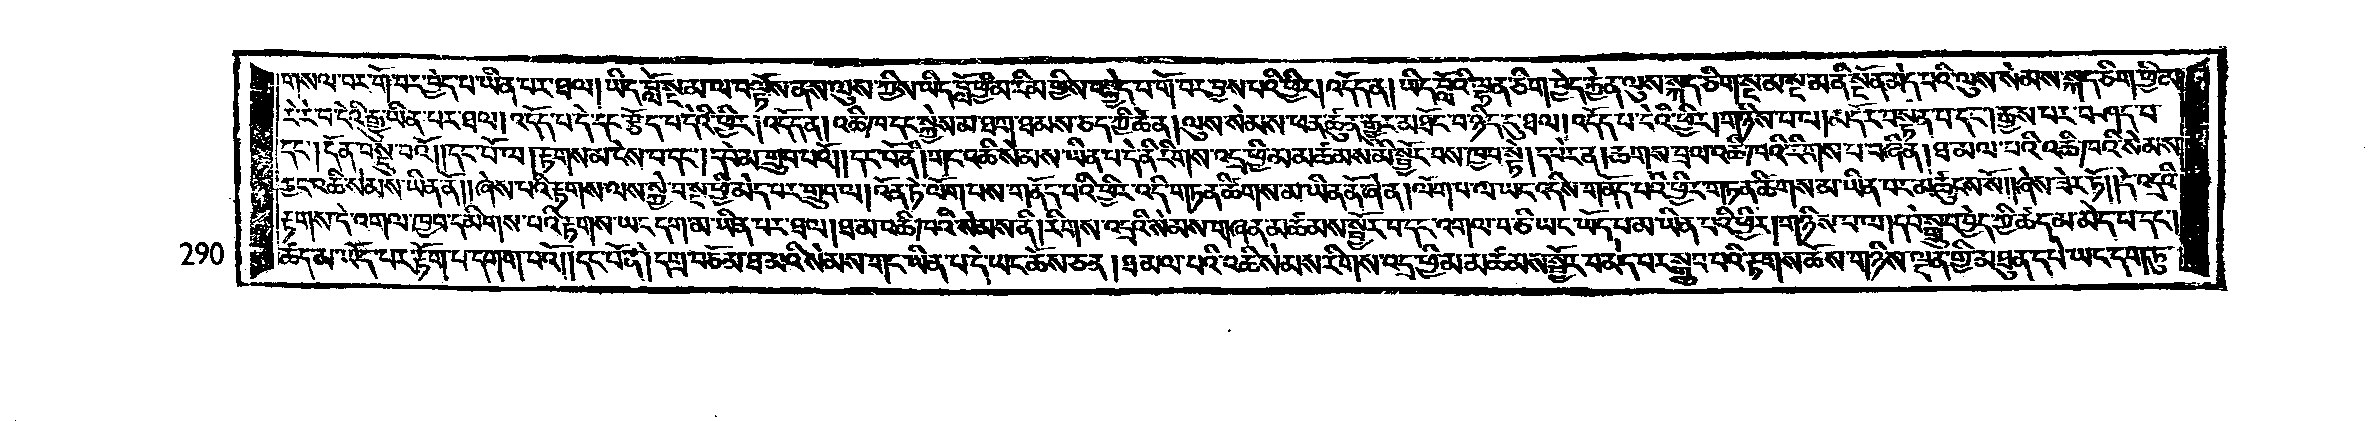གསལ་བར་གོ་བར་བྱེད་པ་ཡིན་པར་ཐལ། ཡིད་བློ་སྔ་མ་ལ་བལྟོས་ནས་ལུས་ཀྱིས་ཡིད་བློ་ཕྱི་མ་རིམ་གྱིས་བསྐྱེད་པ་གོ་བར་བྱས་པའི་ཕྱིར། འདོད་ན། ཡིད་བློའི་ལྷན་ཅིག་བྱེད་རྐྱེན་ལུས་སྐད་ཅིག་སྔ་མ་སྔ་མ་ནི་སྔོན་མེད་པའི་ལུས་སེམས་སྐད་ཅིག་ཕྱི་མ་
རེ་རེ་བ་དེའི་རྒྱུ་ཡིན་པར་ཐལ། འདོད་པ་དེ་དང་རྩོད་པ་དེའི་ཕྱིར། འདོད་ན། འཆི་ཁ་དང་སྐྱེས་མ་ཐག་ཐམས་ཅད་ཀྱི་ཚེ་ན། ལུས་སེམས་ཕན་ཚུན་རྒྱུར་མཐོང་བ་ཉིད་དུ་ཐལ། འདོད་པ་དེའི་ཕྱིར། གཉིས་པ་ལ། མདོར་བསྟན་པ་དང་། རྒྱས་པར་བཤད་པ་
དང་། དོན་བསྡུ་བའོ། །དང་པོ་ལ། རྟགས་མ་ངེས་པ་དང་། དཔེ་མ་གྲུབ་པའོ། །དང་པོ་ནི། གང་འཆི་སེམས་ཡིན་པ་དེ་ནི་རིགས་འདྲ་ཕྱི་མ་མཚམས་མི་སྦྱོར་བས་ཁྱབ་སྟེ། དཔེར་ན། ཆགས་བྲལ་འཆི་ཁའི་རིགས་པ་བཞིན། ཐ་མལ་པའི་འཆི་ཁའི་སེམས་
ཀྱང་འཆི་སེམས་ཡིན་ནོ། །ཞེས་པའི་རྟགས་ལས་སྐྱེ་བ་སྔ་ཕྱི་མེད་པར་གྲུབ་ལ། འོན་ཏེ་ལོག་པས་གནོད་པའི་ཕྱིར་འདི་གཏན་ཚིགས་མ་ཡིན་ནོ་ཞེ་ན། ལོག་པ་ལ་ཡང་འདིས་གནོད་པའི་ཕྱིར་གཏན་ཚིགས་མ་ཡིན་པར་མཚུངས་སོ། །ཞེས་ཟེར་ཏོ། །དེ་འདྲའི་
རྟགས་དེ་འགལ་ཁྱབ་དམིགས་པའི་རྟགས་ཡང་དག་མ་ཡིན་པར་ཐལ། ཐ་མ་འཆི་ཁའི་སེམས་ནི། རིགས་འདྲའི་སེམས་གཞན་མཚམས་སྦྱོར་བ་དང་འགལ་བ་ཅི་ཡང་ཡོད་པ་མ་ཡིན་པའི་ཕྱིར། གཉིས་པ་ལ། དཔེ་སྒྲུབ་བྱེད་ཀྱི་ཚད་མ་མེད་པ་དང་།
ཚད་མ་ཡོད་པར་རྟོག་པ་དགག་པའོ། །དང་པོ་ནི། དགྲ་བཅོམ་ཐ་མའི་སེམས་གང་ཡིན་པ་དེ་ཡང་ཆོས་ཅན། ཐ་མལ་པའི་འཆི་སེམས་རིགས་འདྲ་ཕྱི་མ་མཚམས་སྦྱོར་བ་མེད་པར་སྒྲུབ་པའི་རྟགས་ཆོས་གཉིས་ལྡན་གྱི་མཐུན་དཔེ་ཡང་དག་ཏུ་